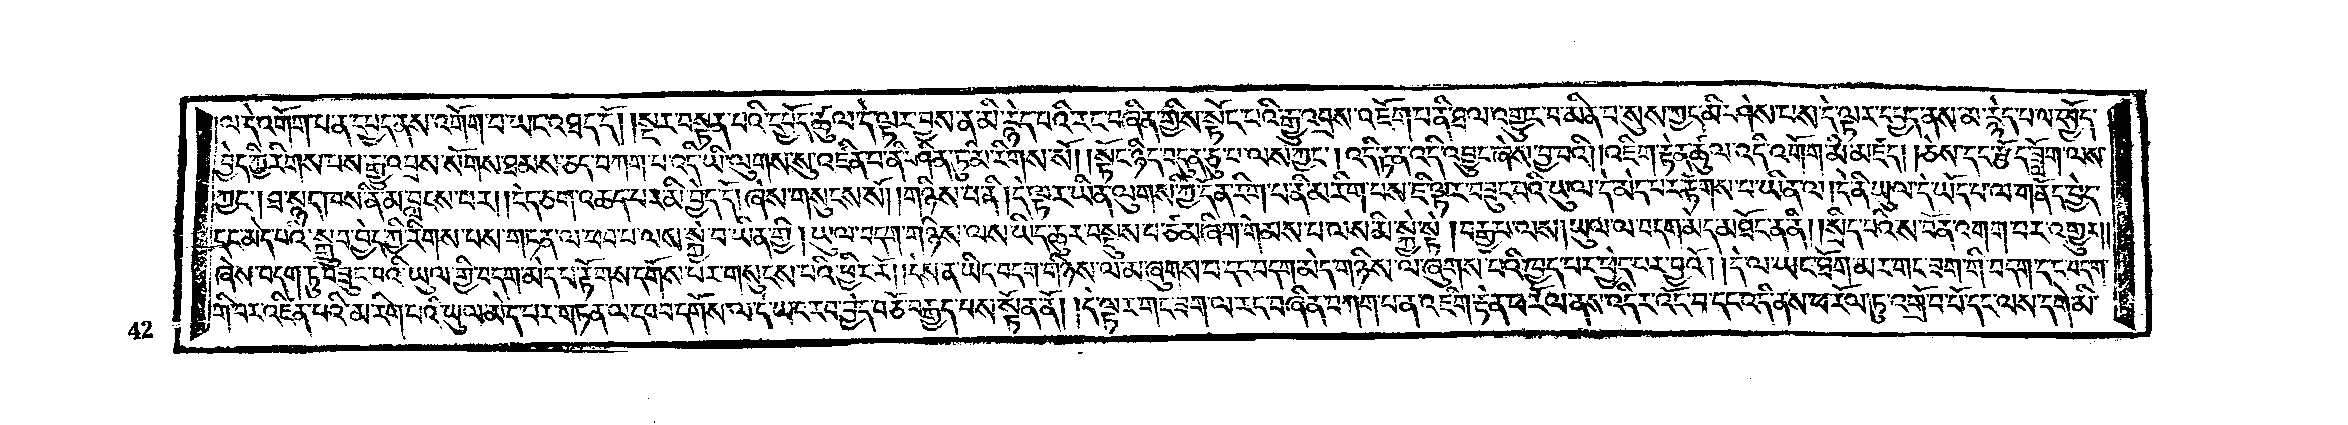ལ་དེ་འགོག་པ་ན་དཔྱད་ནས་འགོག་པ་ཡང་འཐད་དོ། །སྔར་བསྟན་པའི་དཔྱོད་ཚུལ་དེ་ལྟར་བྱས་ན་མི་རྙེད་པའི་རང་བཞིན་གྱིས་སྟོང་པའི་རྒྱུ་འབྲས་འཇོག་པ་ནི་ཐལ་འགྱུར་བ་མིན་པ་སུས་ཀྱང་མི་ཤེས་པས་དེ་ལྟར་དཔྱད་ནས་མ་རྙེད་པ་ལ་དཔྱོད་
བྱེད་ཀྱི་རིགས་པས་རྒྱུ་འབྲས་སོགས་ཐམས་ཅད་བཀག་པ་འདི་ཡི་ལུགས་སུ་འཛིན་པ་ནི་ཤིན་ཏུ་མི་རིགས་སོ། །སྟོང་ཉིད་བདུན་ཅུ་པ་ལས་ཀྱང་། འདི་རྟེན་འདི་འབྱུང་ཞེས་བྱ་བའི། །འཇིག་རྟེན་ཚུལ་འདི་འགོག་མི་མཛད། །ཅེས་དང་རྩོད་ཟློག་ལས་
ཀྱང་། ཐ་སྙད་ཁས་ནི་མ་བླངས་པར། །ངེད་ཅག་འཆད་པར་མི་བྱེད་དོ། ཞེས་གསུངས་སོ། །གཉིས་པ་ནི། དེ་ལྟར་ཡིན་ལུགས་ཀྱི་དོན་རིག་པ་ནི་མ་རིག་པས་ཇི་ལྟར་བཟུང་བའི་ཡུལ་དེ་མེད་པར་རྟོགས་པ་ཡིན་ལ། དེ་ནི་ཡུལ་དེ་ཡོད་པ་ལ་གནོད་བྱེད་
དང་མེད་པའི་སྒྲུབ་བྱེད་ཀྱི་རིགས་པས་གཏན་ལ་ཕབ་པ་ལས་སྐྱེ་བ་ཡིན་གྱི། །ཡུལ་བདག་གཉིས་ལས་ཡིད་ཆུར་བསྡུས་པ་ཙམ་ཞིག་གོམས་པ་ལས་མི་སྐྱེ་སྟེ། བརྒྱ་བ་ལས། ཡུལ་ལ་བདག་མེད་མཐོང་ན་ནི། །སྲིད་པའི་ས་བོན་འགག་པར་འགྱུར།།
ཞེས་བདག་ཏུ་བཟུང་བའི་ཡུལ་གྱི་བདག་མེད་པ་རྟོགས་དགོས་པར་གསུངས་པའི་ཕྱིར་རོ། །དེས་ན་ཡིད་བདག་གཉིས་ལ་མ་ཞུགས་བ་དང་བདག་མེད་གཉིས་ལ་ཞུགས་པའི་ཁྱད་པར་ཕྱེད་པར་བྱའོ། །དེ་ལ་ཡང་ཐོག་མར་གང་ཟག་གི་བདག་དང་བདག་
གི་བར་འཛིན་པའི་མ་རིག་པའི་ཡུལ་མེད་པར་གཏན་ལ་དབབ་དགོས་ལ་དེ་ཡང་རབ་བྱེད་བཅོ་བརྒྱད་པས་སྟོན་ནོ། །དེ་ལྟར་གང་ཟག་ལ་རང་བཞིན་བཀག་པ་ན་འཇིག་རྟེན་ཕ་རོལ་ནས་འདིར་འོང་བ་དང་འདི་ནས་ཕ་རོལ་ཏུ་འགྲོ་བ་པོ་དང་ལས་དགེ་མི་